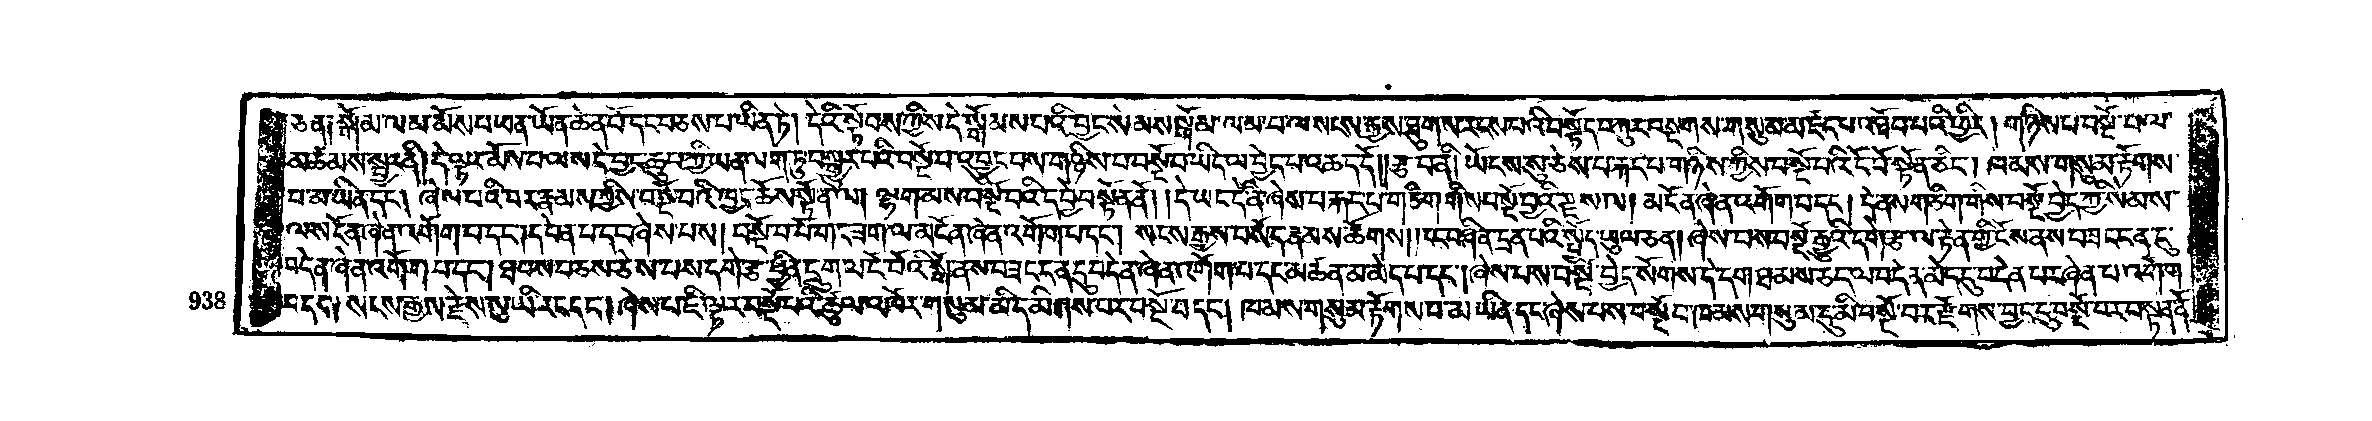ཅན༑ སྒོམ་ལམ་མོས་པ་ཕན་ཡོན་ཆེན་པོ་དང་བཅས་པ་ཡིན་ཏེ། དེའི་སྟོབས་ཀྱིས་དེ་སྒོམས་པའི་བྱང་སེམས་སྒོམ་ལམ་པ་ལ་སངས་རྒྱས་ཐུགས་རང་ས་པའི་བསྟོད་བཀུར་བསྔགས་གསུམ་མཛད་པ་འཐོབ་པའི་ཕྱིར། གཉིས་པ་བསྔོ་བ་ལ་
མཚམས་སྦྱར་ནི། དེ་ལྟར་མོས་པ་ལས་དེ་བྱང་ཆུབ་ཀྱི་ཡན་ལག་ཏུ་བསྒྱུར་པའི་བསྔོ་བ་འབྱུང་བས་གཉིས་པ་བསྔོ་བ་ཡིད་ལ་བྱེད་པ་འཆད་དོ། །རྩ་བ་ནི། ཡོངས་སུ་ཅེས་པ་རྐང་པ་གཉིས་ཀྱིས་བསྔོ་བའི་ངོ་བོ་སྟོན་ཅིང་། ཁམས་གསུམ་རྟོགས་
པ་མ་ཡིན་དང་། ཞེས་པའི་བར་རྣམས་ཀྱིས་བསྔོ་བའི་ཁྱད་ཆོས་སྟོན་ལ། ལྷག་མས་བསྔོ་བའི་དབྱེ་བ་སྟོན་ནོ། །དེ་ཡང་དེ་ནི་ཞེས་པ་རྐང་པ་གཅིག་གིས་བསྔོ་བྱའི་རྫས་ལ། མངོན་ཞེན་འགོག་པ་དང་། དེ་ནས་གཅིག་གིས་བསྔོ་བྱེད་ཀྱི་སེམས་
ལས་ངོན་ཞེན་འགོག་པ་དང་། དཔེན་པ་དང་ཞེས་པས། བསྔོ་བ་པོ་གང་ཟག་ལ་མངོན་ཞེན་འགོག་པ་དང་། སངས་རྒྱས་བསོད་རྣམས་ཚོགས། །རང་བཞིན་དྲན་པའི་སྤྱོད་ཡུལ་ཅན། ཞེས་པས་བསྔོ་རྒྱུའི་དགེ་རྩ་ལ་རྟེན་གྱི་ངོས་ནས་བཟང་ངན་དུ་
བདེན་ཞེན་འགོག་པ་དང་། ཐབས་བཅས་ཅེས་པས་དགེ་རྩ་ཕྱིན་དྲུག་ལ་ངོ་བོའི་སྒོ་ནས་བཟང་ངན་དུ་བདེན་ཞེན་འགོག་པ་དང་མཚན་མ་མེད་པ་དང་། ཞེས་པས་བསྔོ་བྱེད་སོགས་དེ་དག་ཐམས་ཅད་ལ་བདེན་མེད་དུ་བདེན་པར་ཞེན་པ་འགོག་
པ་དང་། སངས་རྒྱས་རྗེས་སུ་ཡི་རང་དང་། ཞེས་པ་ཇི་ལྟར་བསྔོ་བའི་ཚུལ་འཁོར་གསུམ་མི་དམིགས་པར་བསྔོ་བ་དང་། ཁམས་གསུམ་རྟོགས་པ་མ་ཡིན་དང་ཞེས་པས་བསྔོ་བ་ཁམས་གསུམ་དུ་མི་བསྔོ་བར་རྫོགས་བྱང་དུ་བསྔོ་བར་བསྟན་ནོ་